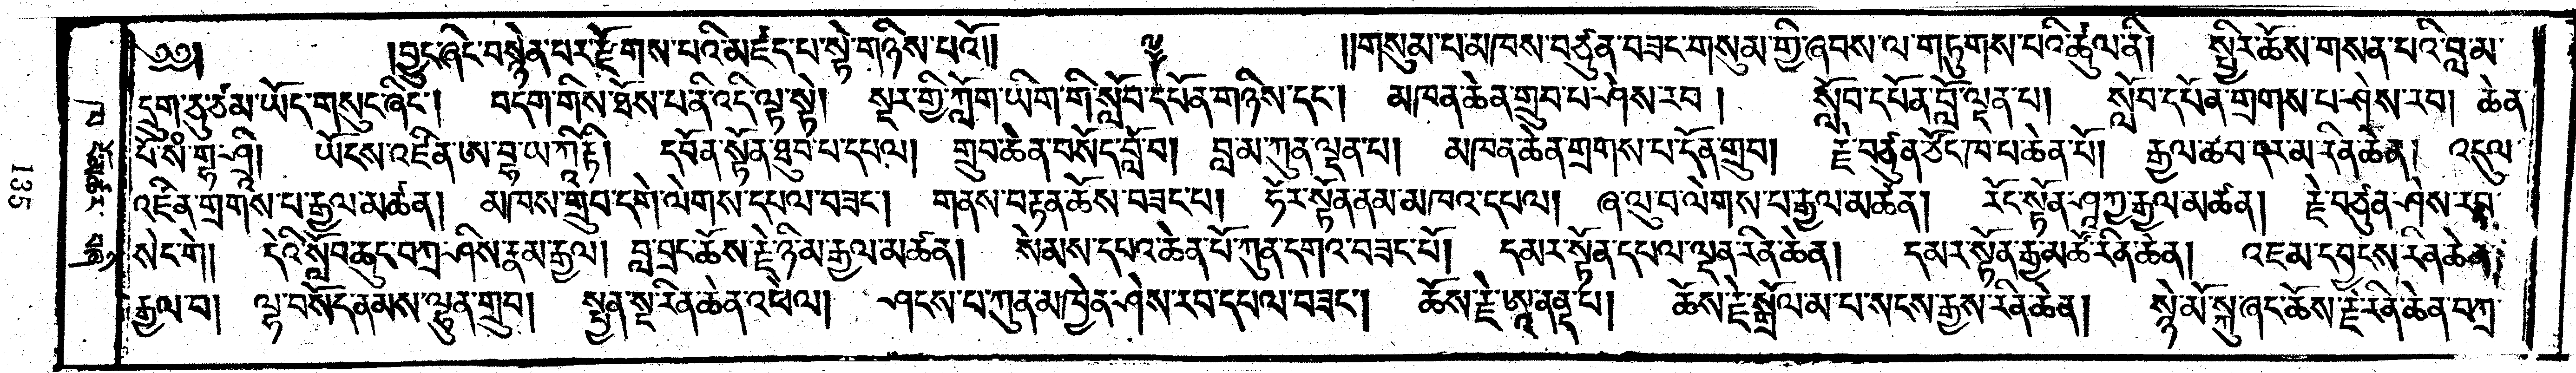༄༅། །བྱུང་ཞིང་བསྙེན་པར་རྫོགས་པའི་མཛད་པ་སྟེ་གཉིས་པའོ།། ༈ །།གསུམ་པ་མཁས་བཙུན་བཟང་གསུམ་གྱི་ཞབས་ལ་གཏུགས་པའི་ཚུལ་ནི། སྤྱིར་ཆོས་གསན་པའི་བླ་མ་
དྲུག་ཅུ་ཙམ་ཡོད་གསུང་ཞིང་། བདག་གིས་ཐོས་པ་ནི་འདི་ལྟ་སྟེ། སྔར་གྱི་ཀློག་ཡིག་གི་སློབ་དཔོན་གཉིས་དང་། མཁན་ཆེན་གྲུབ་པ་ཤེས་རབ། སློབ་དཔོན་བློ་ལྡན་པ། སློབ་དཔོན་གྲགས་པ་ཤེས་རབ། ཆེན་
པོ་སཾ་གྷ་ཤྲཱི། ཡོངས་འཛིན་ཨ་བྷ་ཡ་ཀཱིརྟི། དཔོན་སྟོན་ཐུབ་པ་དཔལ། གྲུབ་ཆེན་བསོད་བློ་བ། བླ་མ་ཀུན་ལྡན་པ། མཁན་ཆེན་གྲགས་པ་དོན་གྲུབ། རྗེ་བཙུན་ཙོང་ཁ་པ་ཆེན་པོ། རྒྱལ་ཚབ་དར་མ་རིན་ཆེན། འདུལ་
འཛིན་གྲགས་པ་རྒྱལ་མཚན། མཁས་གྲུབ་དགེ་ལེགས་དཔལ་བཟང་། གནས་བརྟན་ཆོས་བཟང་པ། ཧོར་སྟོན་ནམ་མཁའ་དཔལ། ཞ་ལུ་བ་ལེགས་པ་རྒྱལ་མཚན། རོང་སྟོན་ཤཱཀྱ་རྒྱལ་མཚན། རྗེ་བཙུན་ཤེས་རབ་
སེང་གེ། དེའི་སློབ་ཆུང་བཀྲ་ཤིས་རྣམ་རྒྱལ། བླ་བྲང་ཆོས་རྗེ་ཉི་མ་རྒྱལ་མཚན། སེམས་དཔའ་ཆེན་པོ་ཀུན་དགའ་བཟང་པོ། དམར་སྟོན་དཔལ་ལྡན་རིན་ཆེན། དམར་སྟོན་རྒྱ་མཚོ་རིན་ཆེན། འཇམ་དབྱངས་རིན་ཆེན་
རྒྱལ་བ། ལྷ་བསོད་ནམས་ལྷུན་གྲུབ། སྤྱན་སྔ་རིན་ཆེན་འཕེལ། ཤངས་པ་ཀུན་མཁྱེན་ཤེས་རབ་དཔལ་བཟང་། ཆོས་རྗེ་ཨཱ་ནནྡ་པ། ཆོས་རྗེ་སྒྲོལ་མ་པ་སངས་རྒྱས་རིན་ཆེན། སྙེ་མོ་སྐུ་ཞང་ཆོས་རྗེ་རིན་ཆེན་བཀྲ་